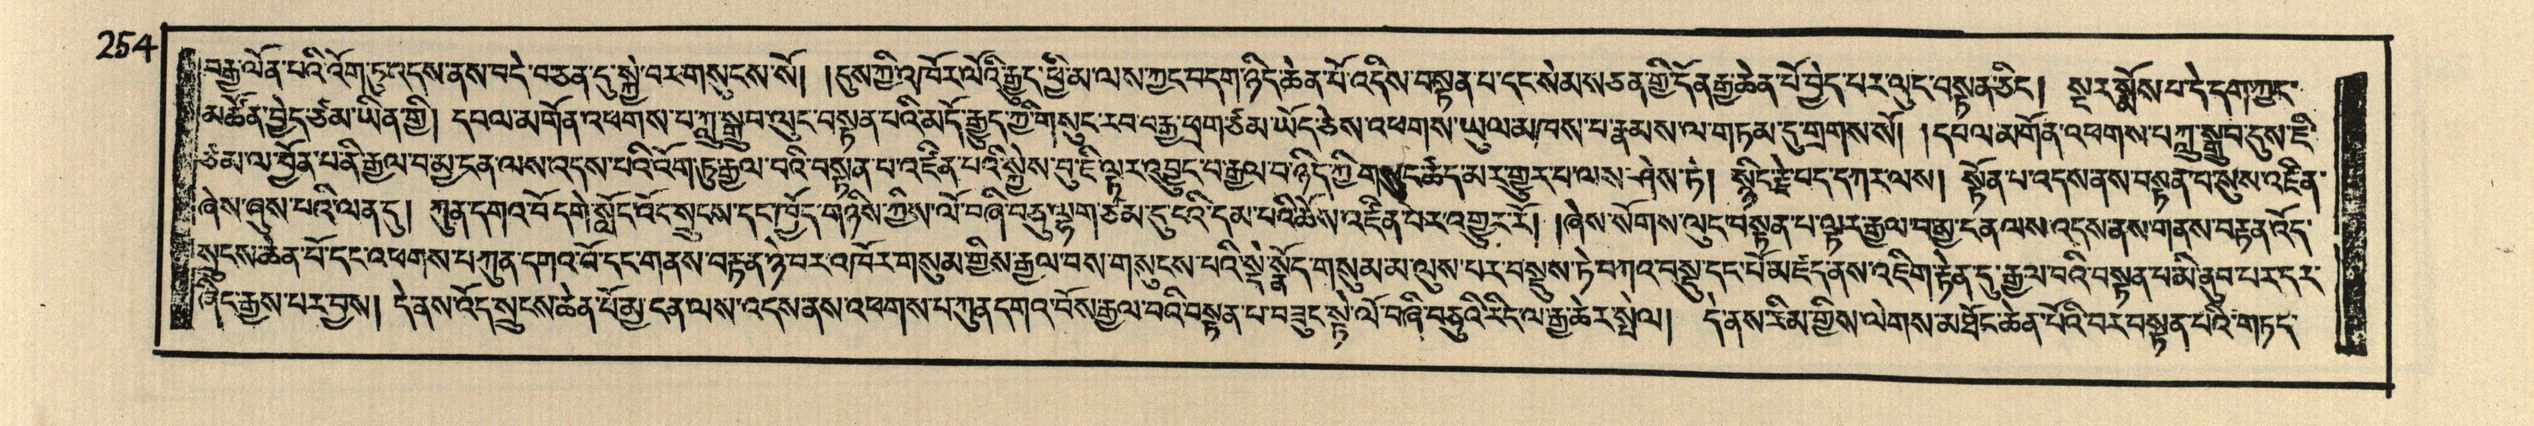བརྒྱ་ལོན་པའི་འོག་ཏུ་འདས་ནས་བདེ་བ་ཅན་དུ་སྐྱེ་བར་གསུངས་སོ། །དུས་ཀྱི་འཁོར་ལོའི་རྒྱུད་ཕྱི་མ་ལས་ཀྱང་བདག་ཉིད་ཆེན་པོ་འདིས་བསྟན་པ་དང་སེམས་ཅན་གྱི་དོན་རྒྱ་ཆེན་པོ་བྱེད་པར་ལུང་བསྟན་ཅིང་། སྔར་སྨོས་པ་དེ་དག་ཀྱང་བྱུང་བའི་སྔ་ལྟས་ཡིན། ཞེས་གསུང་
ཧགས་པ་ཀླུ་སྒྲུབ་ལུང་བསྟན་པའི་མདོ་རྒྱུད་ཀྱི་གསུང་རབ་?བརྒྱ་ཕྲག་ཙམ་ཡོད་ཅེས་འཕགས་ཡུལ་མཁས་པ་རྣམས་ལ་གཏམ་དུ་གྲགས་སོ། །དཔལ་མགོན་འཕགས་པ་ཀླུ་སྒྲུབ་དུས་ཇི་
ཙམ་ལ་བྱོན་པ་ནི་རྒྱལ་བ་མྱ་ངན་ལས་འདས་པའི་འོག་ཏུ་རྒྱལ་བའི་བསྟན་པ་འཛིན་པའི་སྐྱེས་བུ་ཇི་ལྟར་འབྱུང་བ་རྒྱལ་བ་ཉིད་ཀྱི་གསུང་ཚད་མར་གྱུར་པ་ལས་ཤེས་ཏེ། སྙིང་རྗེ་པད་དཀར་ལས། སྟོན་པ་འདས་ནས་བསྟན་པ་སུས་འཛིན་
ཞེས་ཞུས་པའི་ལན་དུ། ཀུན་དགའ་བོ་དགེ་སློང་འོད་སྲུངས་དང་ཁྱོད་གཉིས་ཀྱིས་ལོ་བཞི་བཅུ་ལྷག་ཙམ་དུ་ངའི་དམ་པའི་ཆོས་འཛིན་པ་འགྱུར་རོ། །ཞེས་སོགས་ལུང་བསྟན་པ་ལྟར་རྒྱལ་བ་མྱ་ངན་ལས་འདས་ནས་གནས་བརྟན་འོད་
སྲུངས་ཆེན་པོ་དང་འཕགས་པ་ཀུན་དགའ་བོ་དང་གནས་བརྟན་ཉེ་བར་འཁོར་གསུམ་གྱིས་རྒྱལ་བས་གསུངས་པའི་སྡེ་སྣོད་གསུམ་མ་ལུས་པར་བསྡུས་ཏེ་བཀའ་བསྡུ་དང་པོ་མཛད་ནས་འཇིག་རྟེན་དུ་རྒྱལ་བའི་བསྟན་པ་མི་ནུབ་པར་དང་
ཞིང་རྒྱས་པར་བྱས། དེ་ནས་འོད་སྲུངས་ཆེན་པོ་མྱ་ངན་ལས་འདས་ནས་འཕགས་པ་ཀུན་དགའ་བོས་རྒྱལ་བའི་བསྟན་པ་བཟུང་སྟེ་ལོ་བཞི་བཅུའི་རིང་ལ་རྒྱ་ཆེར་སྤེལ། དེ་ནས་རིམ་གྱིས་ལེགས་མཐོང་ཆེན་པོའི་བར་བསྟན་པའི་གཏད་